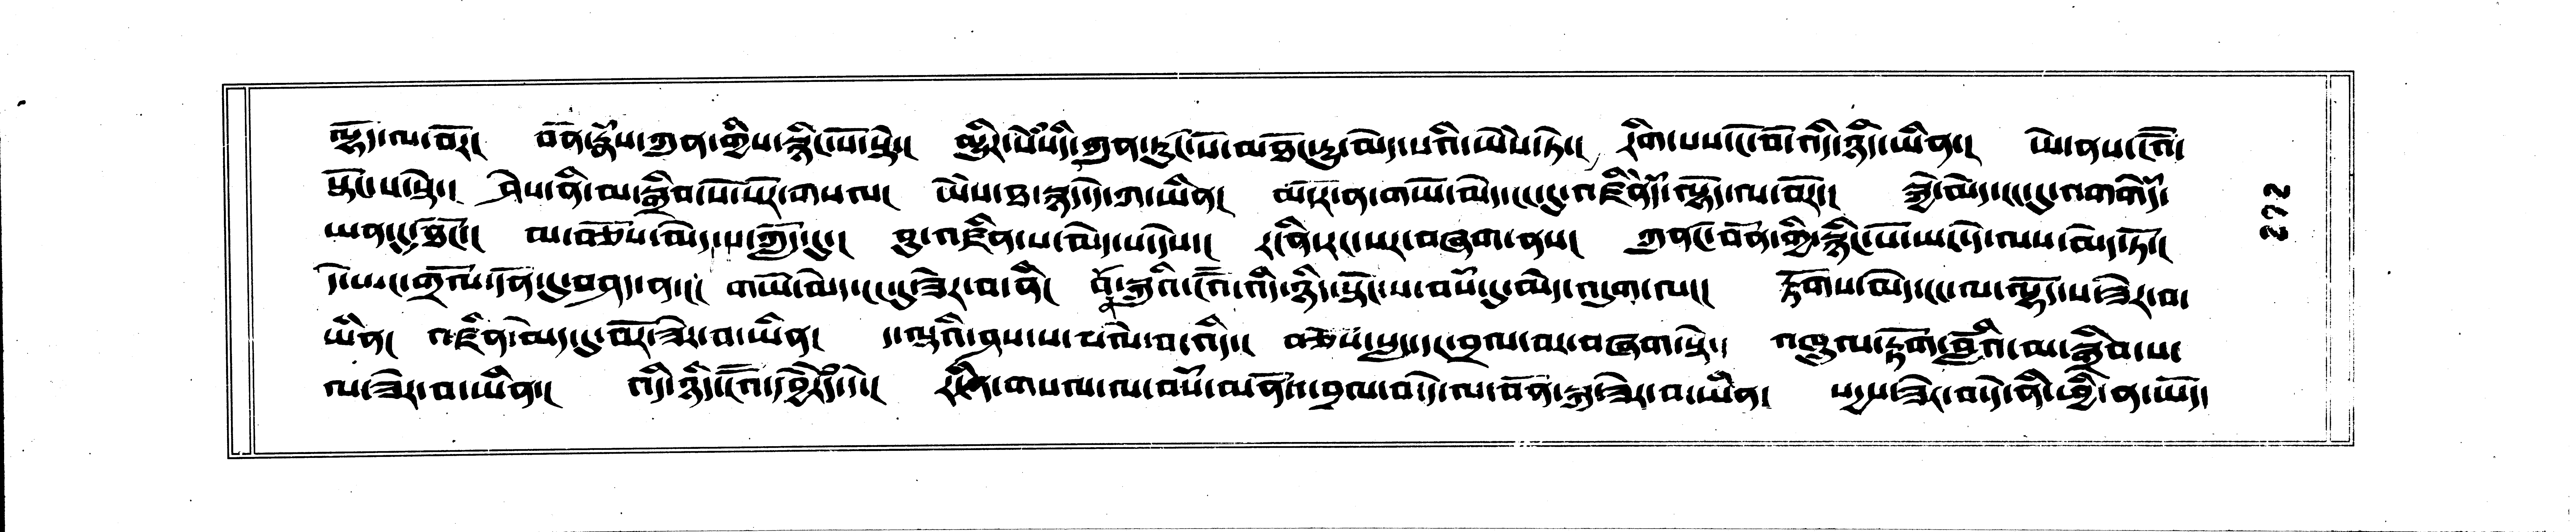ཀློད་ལ་བོར། བོན་རྣམས་ཀུན་གྱིས་སྙིང་པོ་སྟེ། མི་འགྱུར་སེམས་ཉིད་ཀུན་ཏུ་བཟང་། མཐོང་རྒྱུ་མེད་པའི་ཡེ་ཤེས་དེ། རིག་པའི་ངོའོ་འདི་ཉིད་ཡིན། ཡེ་ནས་ངོའོ་
སྟོང་པ་སྟེ། ཤེས་ནི་མ་བསྒྲིབ་སོ་སོར་གསལ། ཡེ་ཤེས་ཐ་སྙད་དེ་ཀ་ཡིན། མདོར་ན་གཡོ་མེད་ཀྱིས་ངང་དུ་འཛིན་མེད་ཀློད་ལ་བོར། སྐྱེ་མེད་ངང་དུ་འགག་མེད་
ཡན་དུ་མཐོང་། མ་བཅོས་སུ་མེད་པའི་ངང་དུ་བུ་འཛིན་པ་མེད་པའི་༼པ༽དེས། རང་བཞིན་རང་སོར་བཞག་ན། ཀུན་བཟང་བོན་གྱིས་སྙིང་པོ་ཡང་དེ་ལས་མེད་དོ། 
དེ་ཡང་བཀྲོལ་དོན་དུ་བཤད་ན། གཡོ་མེད་ངང་དུ་ཟེར་བ་ནི། བོན་སྐུའི་ངོའོ་སྟོང་པ་འདི་ཉིད་ཡིན་བསྙམ་དུ་མི་བསྟུབ་ལ། རྟོག་མེད་ཀྱིས་ངང་དུ་ཀློད་པ་ལ་ཟེར་བ་
ཡིན། འཛིན་མེད་ཀློད་ལ་བོར་ཟེར་བ་ནི། ད་ལྟའི་ཤེས་པ་སལེ་བ་འདི། བཅོས་བསླད་དང་བྲལ་བར་བཞག་སྟེ། འཁྲུལ་རྟོག་བློའི་མ་སྒྲིབ་པ་
ལ་ཟེར་བ་ཡིན། དེ་གཉིས་ངོའོ་དབྱེར་མེད་དེ་རང་བཞིན་གསལ། བསམ་མནོ་བྲལ་བ་དེ་ལ་བོན་སྐུ་ཟེར་བ་ཡིན། སངས་རྒྱས་ཟེར་བ་དེ་ནི་ཕྱི་ན་ཡོད་